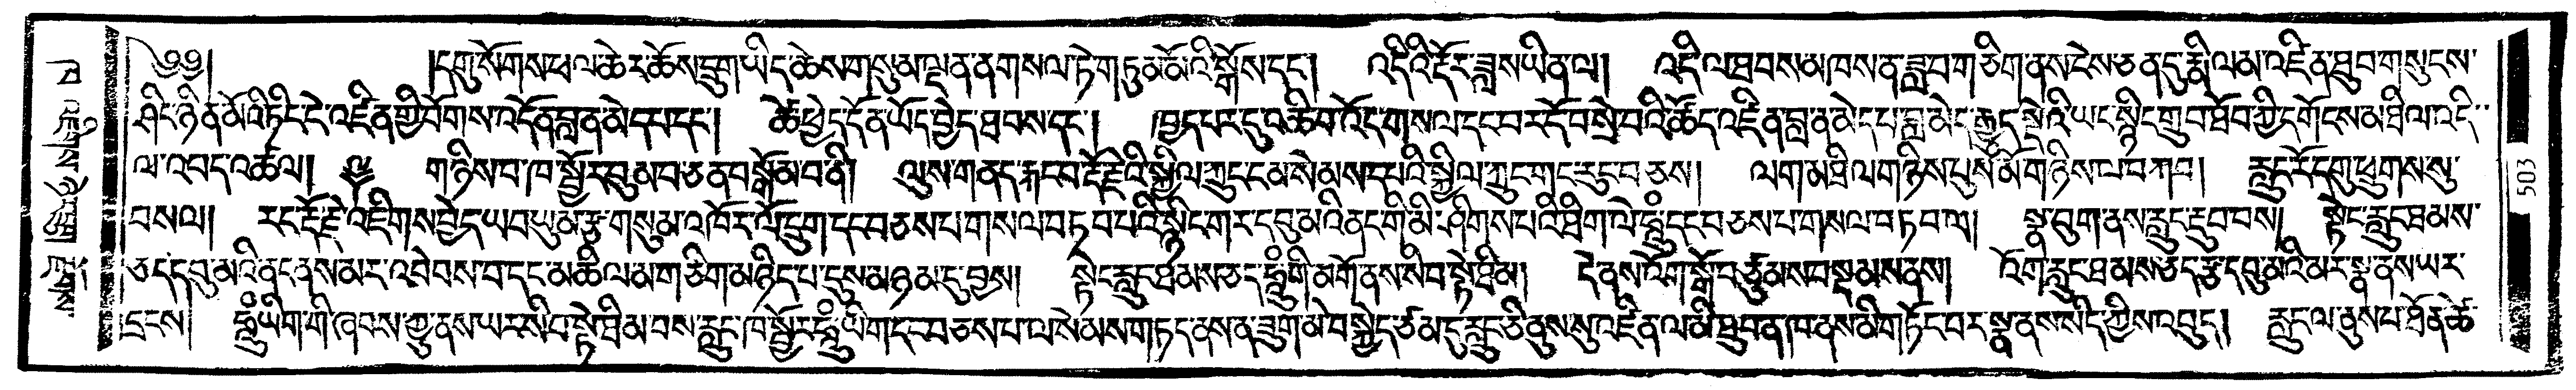༄༅། །དགུ་སོགས་ཕལ་ཆེར་ཆོས་དྲུག་ཡིད་ཆེས་གསུམ་ལྡན་ན་གསལ་ཏེ་གཏུམ་མོའི་སྒོས་དང་། འདིའི་རྡོར་ཟླས་ཡིན་ལ། འདི་ལ་ཐབས་མཁས་ན་ཟླ་བ་གཅིག་ནས་ངེས་ཅན་དུ་རྨི་ལམ་འཛིན་ཐུབ་གསུངས་
ཤིང་ཉིན་མོའི་ཏིང་ངེ་འཛིན་གྱི་བོགས་འདོན་བླ་ན་མེད་པ་དང་། ཚེ་ཕྱེད་དོན་ཡོད་བྱེད་ཐབས་དང་། ཁྱད་པར་དུ་འཆི་བ་འོད་གསལ་དང་བར་དོ་བསྲེ་བའི་ཚོད་འཛིན་བླ་ན་མེད་པ་བླ་མེད་རྒྱུད་སྡེའི་ཡང་སྙིང་གྲུབ་ཐོབ་ཀྱི་དགོངས་མཐིལ་འདི་
ལ་འབད་འཚལ། ༈ གཉིས་པ་ཁ་སྦྱོར་བུམ་བ་ཅན་བསྒོམ་པ་ནི། ལུས་གནད་རྐང་བ་རྡོ་རྗེའི་སྐྱིལ་ཀྲུང་ངམ་སེམས་དཔའི་སྐྱིལ་ཀྲུང་གང་རུང་བཅས། ལག་མཐིལ་གཉིས་པུས་མོ་གཉིས་ལ་བཀབ། རླུང་རོ་དགུ་ཕྲུགས་སུ་
བསལ། རང་རྡོ་རྗེ་འཇིགས་བྱེད་ཡབ་ཡུམ་རྩ་གསུམ་འཁོར་ལོ་དྲུག་དང་བཅས་པ་གསལ་བཏབ་པའི་སྙིང་གར་དབུ་མའི་ནང་གི་མི་ཤིགས་པའི་ཐིག་ལེ་ཧཱུཾ་དང་བཅས་པ་གསལ་བཏབ་ལ། སྣ་བུག་ནས་རླུང་རྡུབ་བས། སྟེང་རླུང་ཐམས་
ཅད་དབུ་མའི་ནང་ནས་མར་འབེབས་པ་དང་མཆིལ་མ་གཅིག་མ་ཉིད་པ་དུས་མཉམ་དུ་བྱས། སྟེང་རླུང་ཐམས་ཅད་ཧཱུཾ་གི་མགོ་ནས་སིབ་སྟེ་ཐིམ། དེ་ནས་འོག་སྒོ་བཙུམས་བསྡམས་ནས། འོག་རླུང་ཐམས་ཅད་རྩ་དབུ་མའི་མར་སྣ་ནས་ཡར་
དྲངས། ཧཱུཾ་ཡིག་གི་ཞབས་ཀྱུ་ནས་ཡར་སིབ་སྟེ་ཐིམ་བས་རླུང་ཁ་སྦྱོར་ཧཱུཾ་ཡིག་དང་བཅས་པ་ལ་སེམས་གཏད་ནས་ན་ཟུག་མེ་བསྐྱེད་ཙམ་དུ་རླུང་ཅི་ནུས་སུ་འཛིན་ལ་མི་ཐུབ་ན་ཁ་ནས་མི་གཏོང་བར་སྣ་ནས་སིད་ཀྱིས་འབུད། རླུང་ལ་ནུས་པ་ཐོན་ཚེ་